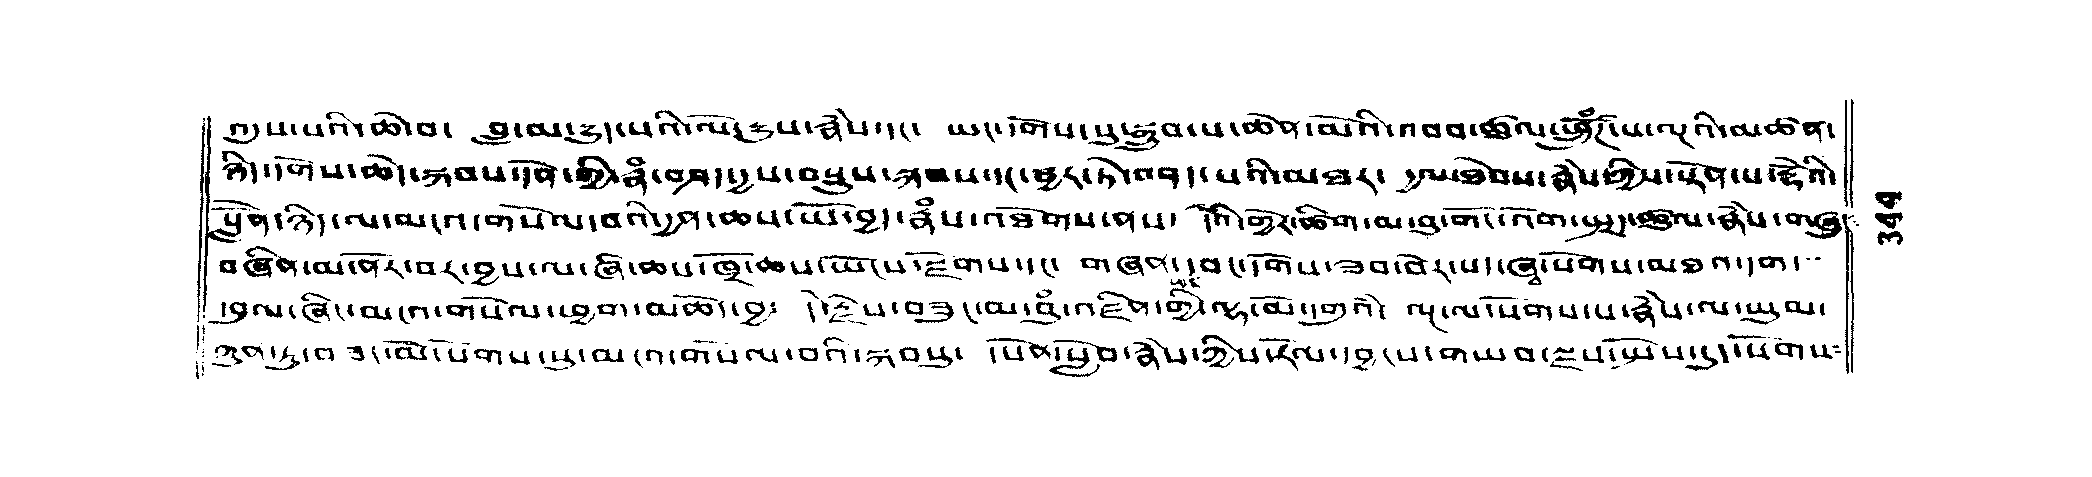འདུས་པའི་ཆེ་བ། བླ་མ་རྒྱུད་པའི་ལོ་རྒྱུས་རྣམས་དང་། ཡང་དགོས་སུ་སྒྲུབ་པ་ཆེན་མོའི་འབབ་ཚུལ་ཕུན་སུམ་ཚོགས་པ་ལྔའི་མཚན་
ཉིད་དགོས་ཆེད་སྐབས་དོན་གྱི་རྣམ་བཤད་རྒྱས་བསྡུས་སྐབས་དང་སྦྱར་ཏེ་བཤད་པའི་མཐར། རྒྱལ་ཐེབས་རྣམས་ཀྱིས་སྟོན་པ་རྡོ་རྗེའི་
སློབ་དཔོན་ཉིད་ལ་མངའ་གསོལ་བའི་རྒྱན་ཆས་ཡོ་བྱད་རྣམས་འཐོགས་ནས། དེའི་གྱེར་ཚིག་མ་བུ་གོང་འོག་སྤྲད་ཚུལ་རྣམས་གཞུང་
བཞིན་མ་ནོར་བར་བྱས་ལ་ཞི་ཆོས་ཁྲོ་ཆས་ཡོངས་རྫོགས་དང་།གཞན་ཡང་དབང་དགོས་ཟབ་བེར་པད་ཞྭ་སོགས་མཐའ་དག་
དབུལ་ཞིང་མངའ་གསོལ་ཕྱག་མཆོད་བྱ། དེ་རྗེས་བཟུང་མ་བུ་འཛིན་གྱི་ལྷ་མི་དགུའམ། ལྔ་ལ་སོགས་པ་རྣམས་ལ་ཡུམ་
ཀུན་ཏུ་བཟང་མོ་སོགས་སུ་མངའ་གསོལ་བའི་སྐབས་སུ། དཔོན་སློབ་རྣམས་ཀྱིས་རོལ་དབྱངས་གཡབ་རྫས་སྤོས་དུད་སོགས་